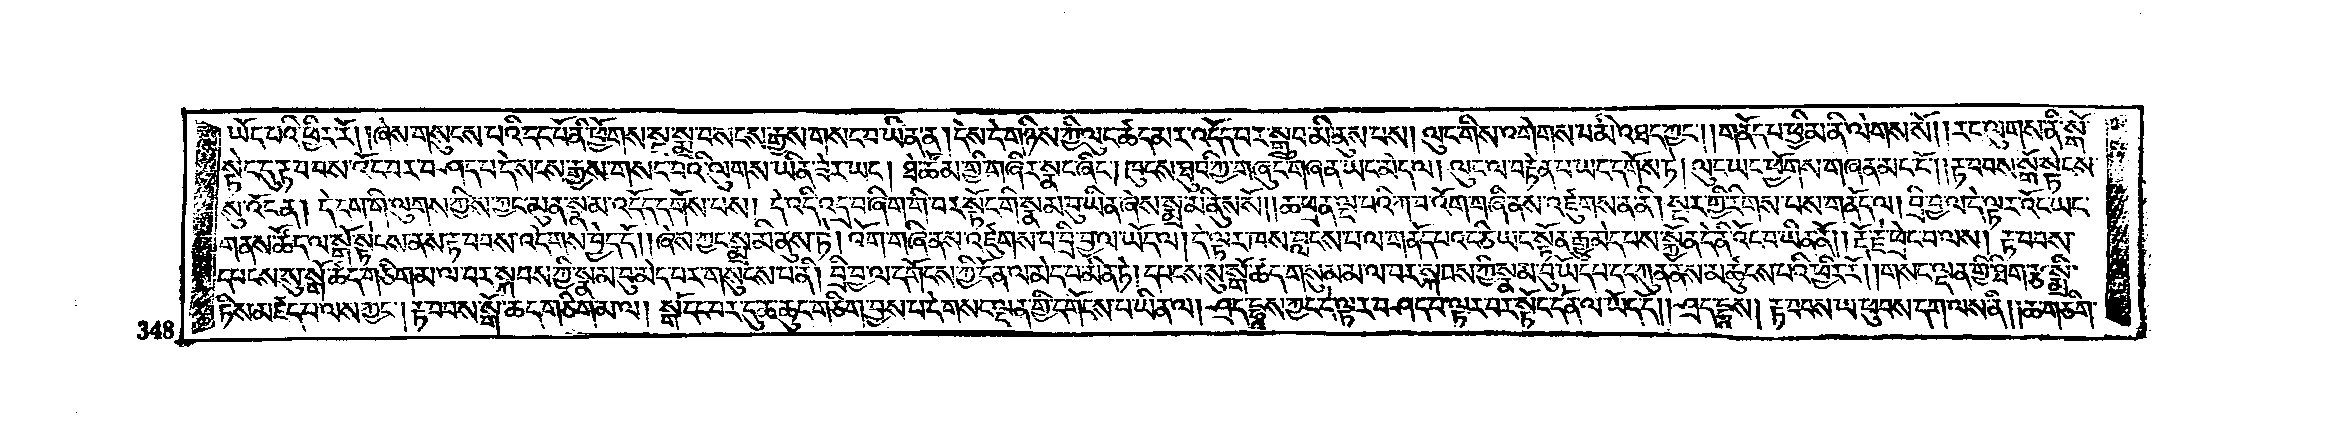ཡོད་པའི་ཕྱིར་རོ། །ཞེས་གསུངས་པའི་དང་པོ་ནི་ཕྱོགས་སྔ་སྨྲ་བ་སངས་རྒྱས་གསང་བ་ཡིན་ན། དེས་དེ་གཉིས་ཀྱི་ལུང་ཚད་མར་འདོད་པར་སྒྲུབ་མི་ནུས་པས། ལུང་གིས་འགེགས་པ་མི་འཐད་ཀྱང་། །གནོད་པ་ཕྱི་མ་ནི་ལེགས་སོ། །རང་ལུགས་ནི་སྒོ་སྟེང་དུ་རྟ་བབས་འོང་བར་བཤད་པ་དེ་སངས་རྒྱས་གསང་བའི་ལུགས་ཡིན་ཟེར་ཡང་། ཐེ་ཚོམ་གྱི་གཞིར་སྣང་ཞིང་། ཁུངས་ཐུབ་ཀྱི་གཞུང་གཞན་ཡང་མེད་ལ། ལུང་ལ་བརྟེན་པ་ཡང་དགོས་ཏེ། ལུང་ཡང་ཕྱོགས་གཞན་མང་ངོ། །རྟ་བབས་སྒོ་སྟེངས་
སུ་འོང་ན། དེ་དག་གི་ལུགས་ཀྱིས་ཀྱང་མུན་སྣམ་འདོད་དགོས་པས། དེ་འདི་འདྲ་བ་ཞིག་གི་བར་སྟོང་གི་སྣམ་བུ་ཡིན་ཞེས་སྨྲ་མི་ནུས་སོ། །ཆ་ཕྲན་ལྔ་པའི་ཀ་བ་འོག་གཞི་ནས་འཛུགས་ན་ནི། སྔར་གྱི་རིགས་པས་གནོད་ལ། བྲི་བྱ་ལ་དེ་ལྟར་འོང་ཡང་
གནས་ཚོད་ལ་སྒོ་སྟེངས་ནས་རྟ་བབས་འདེགས་བྱེད་དོ། །ཞེས་ཀྱང་སྨྲ་མི་ནུས་ཏེ། འོག་གཞི་ནས་འཛུགས་པ་བྲི་བྱ་ལ་ཡོད་ལ། དེ་ལྟར་ཁས་བླངས་པ་ལ་གནོད་པའང་ཅི་ཡང་སྟོན་རྒྱུ་མེད་པས་སྐྱོན་དེ་ནི་འོང་བ་ཡིན་ནོ། །རྡོ་རྗེ་ཕྲེང་བ་ལས། རྟ་བབས་
དཔངས་སུ་སྒོ་ཚད་གཅིག་མ་ལ་བར་སྐབས་ཀྱི་སྣམ་བུ་མེད་པར་གསུངས་པ་ནི། བྲི་བྱ་ལ་དགོངས་ཀྱི་དོན་ལ་མེད་པ་མིན་ཏེ། དཔངས་སུ་སྒོ་ཚད་གསུམ་མ་ལ་བར་སྐབས་ཀྱི་སྣམ་བུ་ཡོད་པ་དང་ཀུན་ནས་མཚུངས་པའི་ཕྱིར་རོ། །གསང་ལྡན་གྱི་ཐིག་རྩ་སྨྲི་
ཏིས་མཛད་པ་ལས་ཀྱང་། རྟ་བབས་སྒོ་ཆད་གཅིག་མ་ལ། སྒོ་དང་བར་དུ་ཆ་ཆུང་གཅིག་བྱས་པ་དེ་གསང་ལྡན་གྱི་དགོངས་པ་ཡིན་ལ། ཤྲད་དྷཱས་ཀྱང་དེ་ལྟར་བཤད་པ་ལྟར་བར་སྟོང་དོན་ལ་ཡོད་དོ། །ཤྲད་དྷཱས། རྟ་བབས་ཡ་ཕུབས་དག་ལས་ནི། །ཆ་གཅིག་